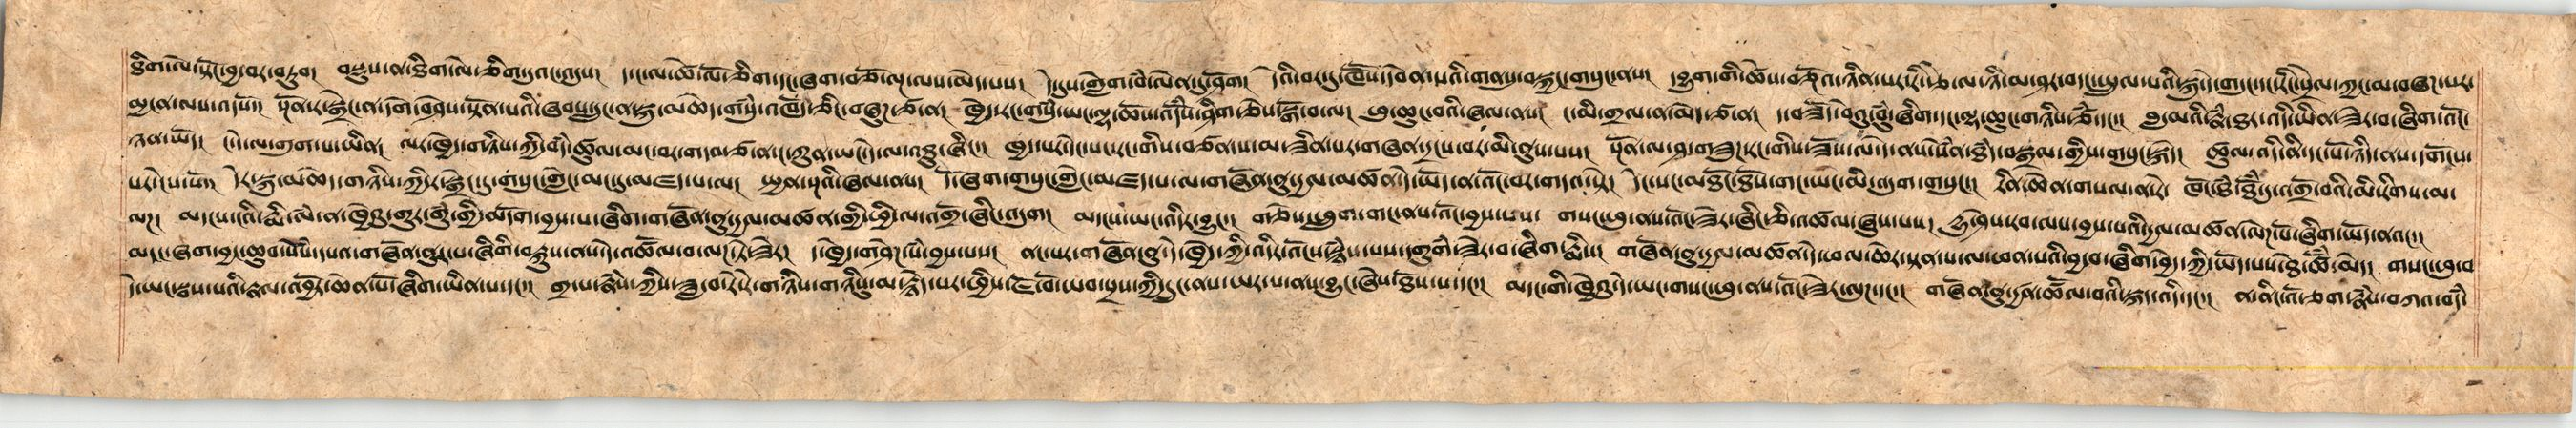ཐིག་ལེ་སྟོང་བྱ་བར་བཏུབ། བསྡུས་ན་ཐིག་ལེ་ཅིག་དུའང་འདུས། ད་ང་ལ་ཚེ་ལོ་ཅིག་དང་ཞག་བཅོ་ལྔ་ལས་མེད་པས། དེ་དུས་གླེག་བཾ་ལེན་དུ་ཤོག དེའི་བར་དུ་ཁཽས་དབེན་པའི་གནསུ་བསྐྱང་གསུང་ནས། དབྱུག་གི་ཚེས་བཅྔོའ་ཉིན་པར་རི་རྩེ་ལ་ཉི་མ་ཤར་བ་དང་སྤྲུལ་པའི་སྐུ་དེ་གདུང་དང་རིང་སྲེལ་ཀྱང་མ་བཞཌ་པར་
མྱངན་ལས་འདསོ། སྔོན་ར་སྒྲེང་ན་དགེ་བཤེས་སྟོན་པའི་ཞབས་དྲུང་ན་སྐུ་མཆེད་གསུཾ་འཁོད་ཅིང་བཞུཌ་ཙ་ན། ཁྱེད་རང་གསུཾ་ཡང་ལྷ་ཆོས་འདོཾས་ཤིག་ཅེས་སྒོ་བ་ལ། ཕུ་ཆུང་བའི་ཞལ་ནས། ང་མི་གྲལ་ན་མེད་ཙ་ན། ད་གཟོད་བེའུ་བུཾ་ཞིག་དང་ལྷ་ཆུང་གཉིས་ཙཾ་དང་། བླ་མའི་རྣཾ་ཐར་འདི་ཡིན་ཟེར་བ་ཞིག་འོང་
ཉན་ཡོད། ང་དེ་ལ་གུག་པ་ཡིན། ལར་ཁྱེད་གཉིས་ཀྱི་བདཾ་ཚུལ་མང་བར་གདའ་ཙ་ན་ཀུན་ཡང་དེ་ལ་འཐུ་ཞིང་། ཁྱད་པར་དེང་སང་རང་གིས་བཙན་ས་མ་ཟིན་པར་གཞན་དྲངས་བར་མི་ནུས་པས། སྔོན་ལ་ཤ་གཟུཌ་རང་གིས་ཟོས་ལ་དེ་ནས་སེནཾ་ཐཾད་བསྒྲལ་གྱིས་གསུང་སྐདེ། ཚུལ་འདི་ནི་དང་པོ་ཉིད་ནས་དགོངས་
པར་ངེས་སོ། དེར་སྐུ་མཆེད་གཉིས་ཀྱི་ར་སྒྲེང་དུ་གསུང་གླེང་མང་དུ་མཛད་པ་ལ། སྤྱན་སྔའི་ཞལ་ནས། དོ་ཞག་གསུང་གླེང་མཛད་པ་ལ་གཞོན་ནུ་དྱལ་མཚན་དེ་ཡོད་ན་འོང་བར་གདའ་སྟེ། དེང་སང་མཐོང་ཐོས་གང་ཡང་མི་འདུག་གསུང་། རིན་ཆེན་གསལ་ན་རེ་ ཁོང་ཐཾ་ཐོཾ་དུ་འགྲོ་བའི་མི་རིགས་མ་
ལཌ། མདངས་ངའི་རྨི་ལཾ་ན་ཁྱེའུ་གུར་གུཾ་གྱི་མདོག་བྱས་པ་ཞིག་གཞོན་ནུ་དྱལ་མཚན་གྱི་ཕྱི་ལ་འགྲོ་ཞིང་འདུག། མདངས་ཡང་འདིར་བྱུང་། གཅེས་ཕྲུག་གང་ནས་འོང་བྱས་པས། གསང་ཕུ་ནས་འོང་ཟེར་ཞིང་ཅི་འཚལ་ཞུས་པས། དྱུ་ཤེས་རབ་ལས་བྱས་པའི་དྱལ་མཚན་ལེཌ་པོ་ཞིག་ཡོད་ནའང་།
མདང་ཞག་བྱང་ཆུབ་སེཾས་དཔའ་གཞོན་ནུར་པ་ཞིགི་བརྐུས་ནས་དེ་འཚོལ་བ་ལཌ་ཏེ་ཟེར། ད་ཁྱེད་གཤེཌ་སཾ་བྱས་པས། ནང་པར་གཞོན་ནུ་དེ་ཁྱེད་ཀྱི་འདིར་འོང་སྙཾ་པས་དགུགཾ་ཟེར་བ་ཞིག་རྨིས། གཞོན་ནུ་དྱལ་མཚན་དེ་ཕལ་ཆེར་བསྟན་པ་ལ་ཕན་པའི་བྱ་བ་ཞིག་བྱེད་ཀྱི་ཡོད་པར་ཐེ་ཚོཾ་མེད། གསང་ཕུ་བ
དེ་ཡང་སྦས་པའི་རྣལ་འབྱོར་ཆེན་པོ་ཞིག་ཡིན་པ་དང་། གྲ་པ་རྣཾས་ཀྱིས་ཟླ་བ་རེ་རེ་གཉིས་གཉིསུ་མ་རྙེད་པར་ཕྱིས་ཇོ་བོ་ཡབ་སྲས་ཀྱི་དྲུང་ནས་ཡར་པ་ནས་བྱུང་ཞེས་ཐོས་པ་དང་། མདང་གི་ཁྱེའུ་དེ་ཡང་གསང་ཕུ་ནས་འོང་ཟེར་ལུཌ་དང་། གཞོན་ནུ་དྱཚན་འཚོལ་བའི་སྐད་འདི་དང་། ན་ནིང་འོ་ཅག་རྣཾས་བཀའ་བདཾ་